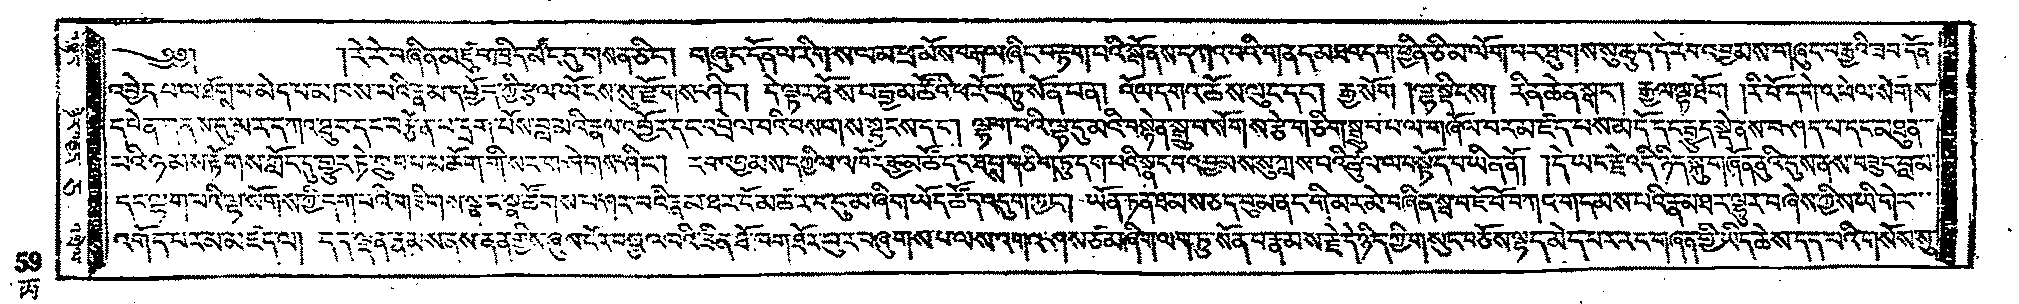༄༅། །རེ་རེ་བཞིན་མཛུབ་ཁྲིད་མང་དུ་གསན་ཅིང་། གཞུང་དོན་ལ་རིགས་ལམ་ཕྲ་མོས་བརྒལ་ཞིང་བརྟག་པའི་སྒོ་ནས་དཀའ་བའི་གནད་མཐའ་དག་ཕྱིན་ཅི་མ་ལོག་པར་ཐུགས་སུ་ཆུད་དེ་རབ་འབྱམས་གཞུང་བརྒྱའི་ཟབ་དོན་
འབྱེད་པ་ལ་ཐོགས་པ་མེད་པ་མཁས་པའི་རྣམ་དཔྱོད་ཀྱི་རྩལ་ཡོངས་སུ་རྫོགས་ཤིང་། དེ་ལྟར་ཐོས་པ་རྒྱ་མཚོའི་ཕ་རོལ་ཏུ་སོན་པ་ན། འོལ་དགའ་ཆོས་ལུང་དང་། རྒྱ་སོགས་།ལྟ་སྡིངས། རིན་ཆེན་སྒང་། རྒྱལ་ལྟ་ཐོག །རི་བོ་དགེ་འཕེལ་སོགས་
དབེན་གནས་དུ་མར་དཀའ་ཐུབ་དང་བརྩོན་པ་དྲག་པོས་བླ་མའི་རྣལ་འབྱོར་དང་འབྲེལ་བའི་བསགས་སྦྱངས་དང་། ལྷག་པའི་ལྷ་དུ་མའི་བསྙེན་སྒྲུབ་སོགས་རྩེ་གཅིག་སྒྲུབ་པ་ལ་གཞོལ་བར་མཛད་པས་མདོ་དང་རྒྱུད་སྡེ་ནས་བཤད་པ་དང་མཐུན་
པའི་ཉམས་རྟོགས་ཀློང་དུ་གྱུར་ཏེ་གྲུབ་པ་མཆོག་གི་སར་གཤེགས་ཤིང་། རབ་འབྱམས་དཀྱིལ་འཁོར་རྒྱ་མཚོ་དང་ཐབས་གཅིག་ཏུ་དག་པའི་སྣང་བ་འབྱམས་སུ་ཀླས་པའི་ཚུལ་ལ་བསྟོད་པ་ཡིན་ནོ། །དེ་ཡང་རྗེ་འདི་ཉིད་སྐུ་གཞོན་ནུའི་དུས་ནས་བཟུང་བླ་མ་
དང་ལྷག་པའི་ལྷ་སོགས་ཀྱི་དག་པའི་གཟིགས་སྣང་སྣ་ཚོགས་པ་ཤར་བའི་རྣམ་ཐར་ངོ་མཚར་བ་དུ་མ་ཞིག་ཡོད་ཚོད་འདུག་ཀྱང་། ཡོན་ཏན་ཐམས་ཅད་བུམ་ནང་གི་མར་མེ་བཞིན་སྦ་བ་ཇོ་བོ་བཀའ་གདམས་པའི་རྣམ་ཐར་ལྷུར་བཞེས་ཀྱིས་ཡི་གེར་
འགོད་པར་མ་མཛད་ལ། དད་ལྡན་རྣམས་ནས་ནན་གྱིས་ཞུས་ངོར་བསྩལ་བའི་ཟིན་ཐོ་ཁག་ཐོར་བུར་བཞུགས་པ་ལས་འགའ་ཤས་ཙམ་ཞིག་ལག་ཏུ་སོན་པ་རྣམས་རྗེ་དེ་ཉིད་ཀྱི་གསུང་བཅོས་ལྷད་མེད་པར་རང་གཞན་གྱི་ཡིད་ཆེས་དད་པའི་གསོས་སུ་